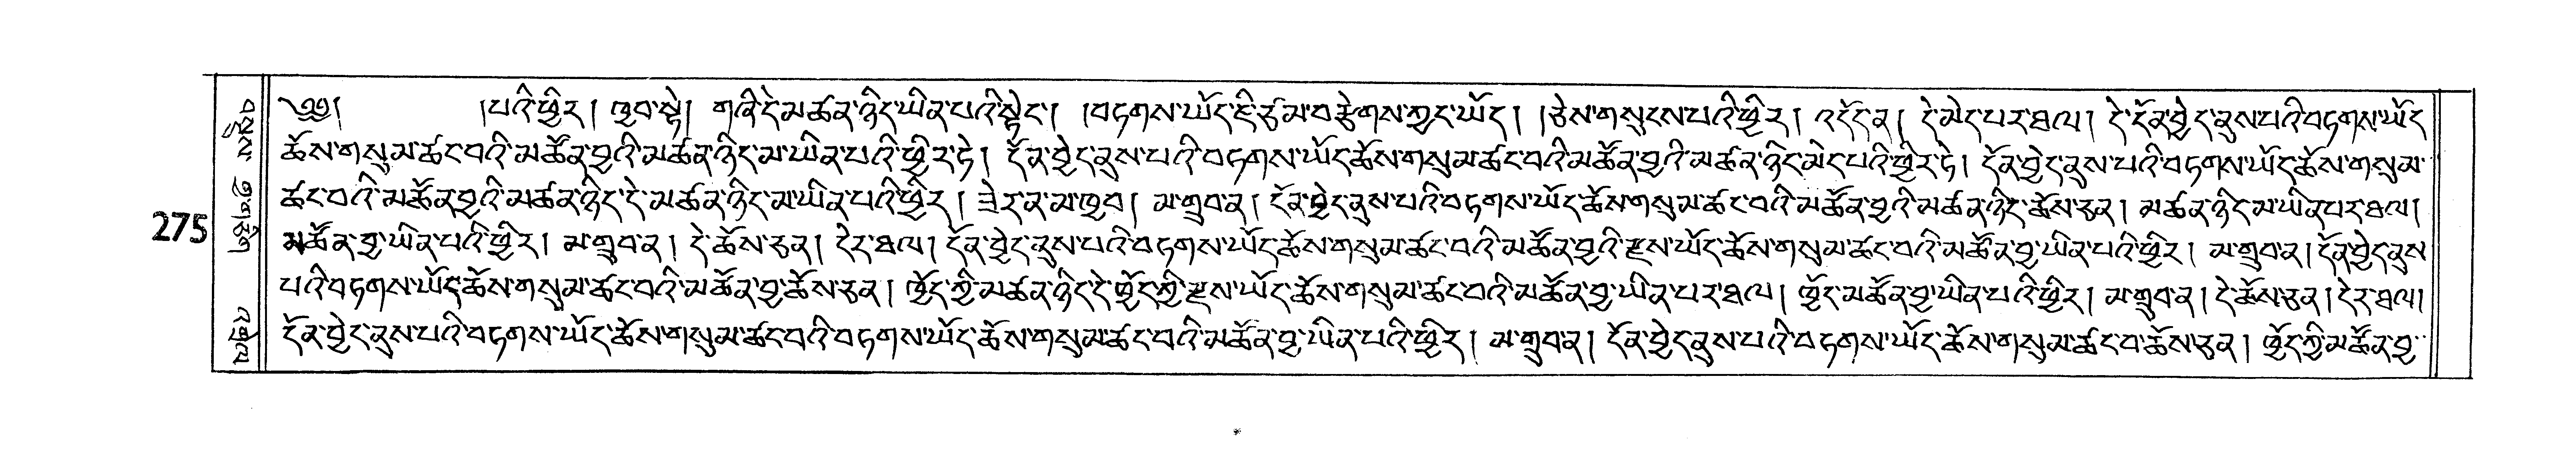༄༅། །པའི་ཕྱིར། ཁྱབ་སྟེ། གཞི་དེ་མཚན་ཉིད་ཡིན་པའི་སྟེང་། །བཏགས་ཡོད་ཇི་ཙམ་བརྩེགས་ཀྱང་ཡོད། །ཅེས་གསུངས་པའི་ཕྱིར། འདོད་ན། དེ་མེད་པར་ཐལ། དེ་དོན་བྱེད་ནུས་པའི་བཏགས་ཡོད་
ཆོས་གསུམ་ཚང་བའི་མཚོན་བྱའི་མཚན་ཉིད་མ་ཡིན་པའི་ཕྱིར་ཏེ། དོན་བྱེད་ནུས་པའི་བཏགས་ཡོད་ཆོས་གསུམ་ཚང་བའི་མཚོན་བྱའི་མཚན་ཉིད་མེད་པའི་ཕྱིར་ཏེ། དོན་བྱེད་ནུས་པའི་བཏགས་ཡོད་ཆོས་གསུམ་
ཚང་བའི་མཚོན་བྱའི་མཚན་ཉིད་དེ་མཚན་ཉིད་མ་ཡིན་པའི་ཕྱིར། ཟེར་ན་མ་ཁྱབ། མ་གྲུབ་ན། དོན་བྱེད་ནུས་པའི་བཏགས་ཡོད་ཆོས་གསུམ་ཚང་བའི་མཚོན་བྱའི་མཚན་ཉིད་ཆོས་ཅན། མཚན་ཉིད་མ་ཡིན་པར་ཐལ།
མཚོན་བྱ་ཡིན་པའི་ཕྱིར། མ་གྲུབ་ན། དེ་ཆོས་ཅན། དེར་ཐལ། དོན་བྱེད་ནུས་པའི་བཏགས་ཡོད་ཆོས་གསུམ་ཚང་བའི་མཚོན་བྱའི་རྫས་ཡོད་ཆོས་གསུམ་ཚང་བའི་མཚོན་བྱ་ཡིན་པའི་ཕྱིར། མ་གྲུབ་ན། དོན་བྱེད་ནུས་
པའི་བཏགས་ཡོད་ཆོས་གསུམ་ཚང་བའི་མཚོན་བྱ་ཆོས་ཅན། ཁྱོད་ཀྱི་མཚན་ཉིད་དེ་ཁྱོད་ཀྱི་རྫས་ཡོད་ཆོས་གསུམ་ཚང་བའི་མཚོན་བྱ་ཡིན་པར་ཐལ། ཁྱོད་མཚོན་བྱ་ཡིན་པའི་ཕྱིར། མ་གྲུབ་ན། དེ་ཆོས་ཅན། དེར་ཐལ།
དོན་བྱེད་ནུས་པའི་བཏགས་ཡོད་ཆོས་གསུམ་ཚང་བའི་བཏགས་ཡོད་ཆོས་གསུམ་ཚང་བའི་མཚོན་བྱ་ཡིན་པའི་ཕྱིར། མ་གྲུབ་ན། དོན་བྱེད་ནུས་པའི་བཏགས་ཡོད་ཆོས་གསུམ་ཚང་བ་ཆོས་ཅན། ཁྱོད་ཀྱི་མཚོན་བྱ་